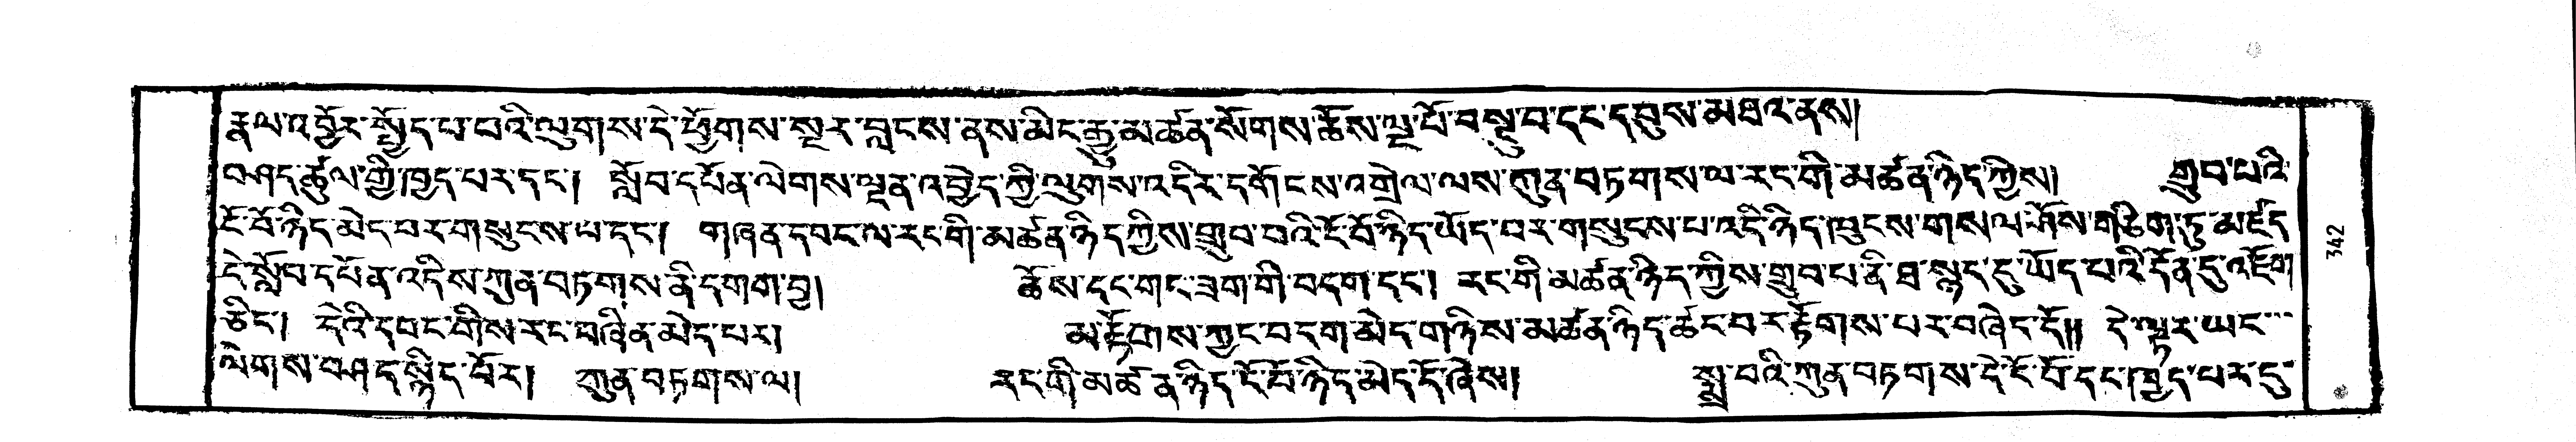རྣལ་འབྱོར་སྤྱོད་པ་བའི་ལུགས་དེ་ཕྱོགས་སྔར་བླངས་ནས་མིང་རྒྱུ་མཚན་སོགས་ཆོས་ལྔ་པོ་བསྡུ་བ་དང་དབུས་མཐའ་ནས།
བཤད་ཚུལ་གྱི་ཁྱད་པར་དང་། སློབ་དཔོན་ལེགས་ལྡན་འབྱེད་ཀྱི་ལུགས་འདིར་དངོས་འགྲེལ་ལས་ཀུན་བཏགས་ལ་རང་གི་མཚན་ཉིད་ཀྱིས། །གྲུབ་པའི་
ངོ་བོ་ཉིད་མེད་པར་གསུངས་པ་དང་། གཞན་དབང་ལ་རང་གི་མཚན་ཉིད་ཀྱིས་གྲུབ་པའི་ངོ་བོ་ཉིད་ཡོད་པར་གསུངས་པ་འདི་ཉིད་ཁུངས་གསལ་ཤོས་གཅིག་ཏུ་མཛད་
དེ་སློབ་དཔོན་འདིས་ཀུན་བཏགས་ནི་དགག་བྱ། ཆོས་དང་གང་ཟག་གི་བདག་དང་། རང་གི་མཚན་ཉིད་ཀྱིས་གྲུབ་པ་ནི་ཐ་སྙད་དུ་ཡོད་པའི་དོན་དུ་འཇོག་
ཅིང་། དེའི་དབང་གིས་རང་བཞིན་མེད་པར། མ་རྟོགས་ཀྱང་བདག་མེད་གཉིས་མཚན་ཉིད་ཚང་བར་རྟོགས་པར་བཞེད་དོ། །དེ་ལྟར་ཡང་
ལེགས་བཤད་སྙིང་པོར། ཀུན་བཏགས་ལ། རང་གི་མཚན་ཉིད་ངོ་བོ་ཉིད་མེད་དོ་ཞེས། སྨྲ་བའི་ཀུན་བཏགས་དེ་ངོ་བོ་དང་ཁྱད་པར་དུ་